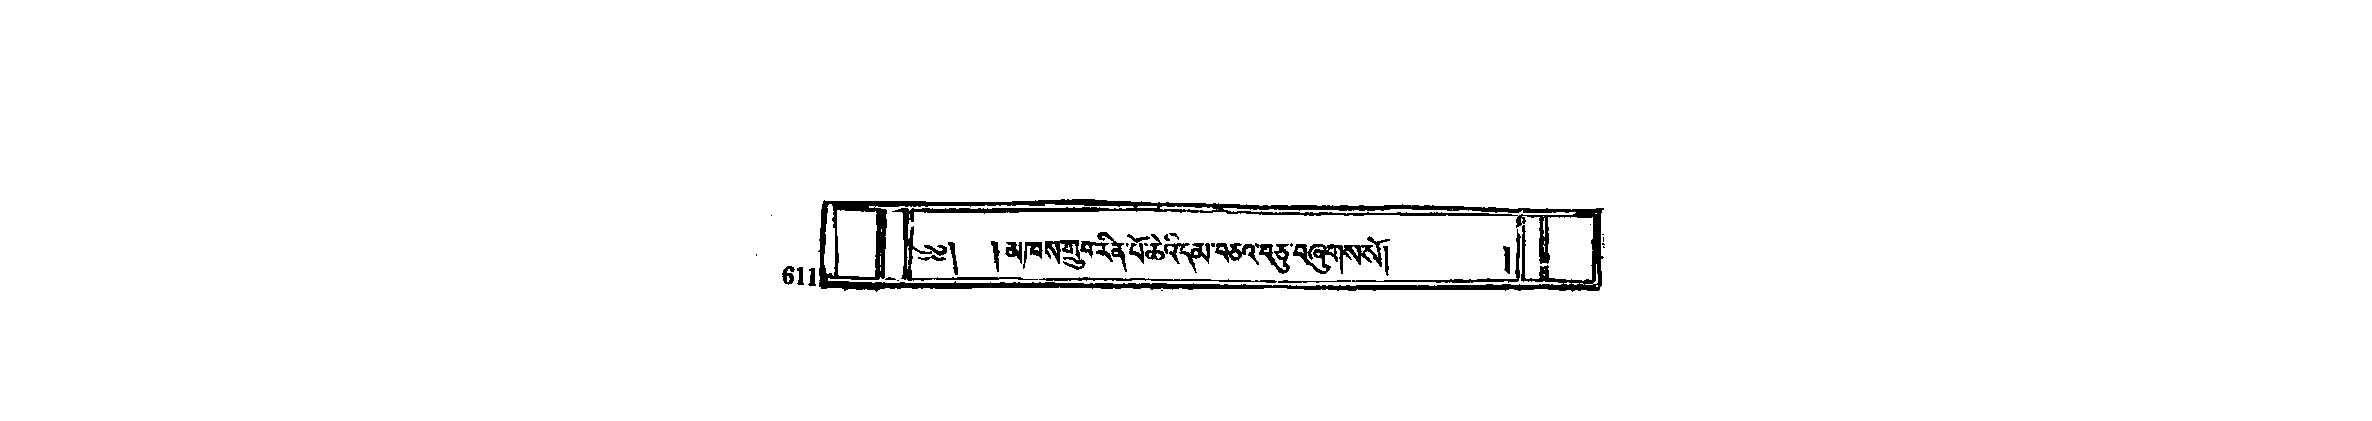༄༅། །མཁས་གྲུབ་རིན་པོ་ཆེའི་དམ་བཅའ་བཅུ་བཞུགས་སོ། །